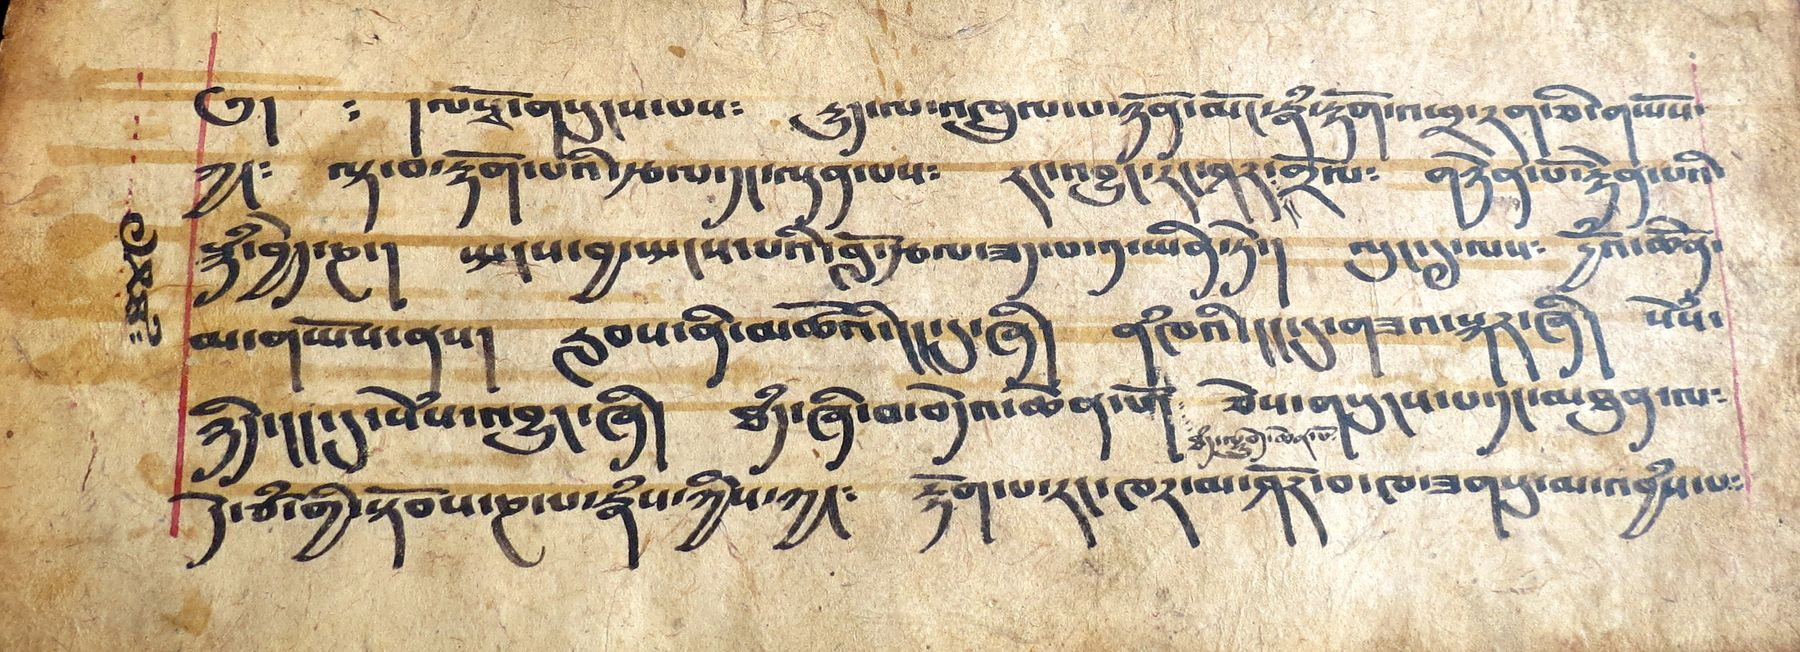ལ་སོགས་གསུངས་པས། རྒྱུད་ལ་འཁྲུལ་པ་ཉོན་མོངས་རྣམ་རྟོག་ཕྲ་རགས་ཅི་གཡོས་
ཀྱང་། ལྟ་བ་རྟོགས་པའི་རྩལ་དང་ལྡན་པས། རང་འབྱུང་རང་ཤར་རང་གྲོལ་གཉེན་པོ་བརྟེན་པའི་
སྙེམ་བྱེད་མེད། སྤང་བྱ་སྤོང་བྱེད་ཀྱི་བློ་རྩོལ་ཟད་པ་ཞིག་ཡིན་ཏེ། ལུང་དྲུག་ལས། རྒྱ་མཚོ་ཆེན་པོར་
མ་གཡོས་པར། རླབས་ནི་མཚོའི་ངང་དུ་ཞི། ནམ་མཁའི་ངང་དུ་གཟའ་སྐར་ཞི། སེམས་
ཉིད་ངང་དུ་སེམས་འབྱུང ཞི། ཐམས་ཅད་ཞི་བ་བདེ་ཆེན་པོ། ཐམས་ཅད་ལྷུན་གྲུབ་ཆེན་པོ་འོ། ། ཞེས་གསུངས་པ་དང་མཐུན་ལ། 
དེ་ཙམ་གྱི་སྟོབས་མེད་པ་རྣམས་ཀྱིས་ཀྱང་རྟོག་པ་རང་ཁ་མར་མ་ཤོར་བ། ཁ་ཟགས་སུ་མ་འབྱམས་པ།